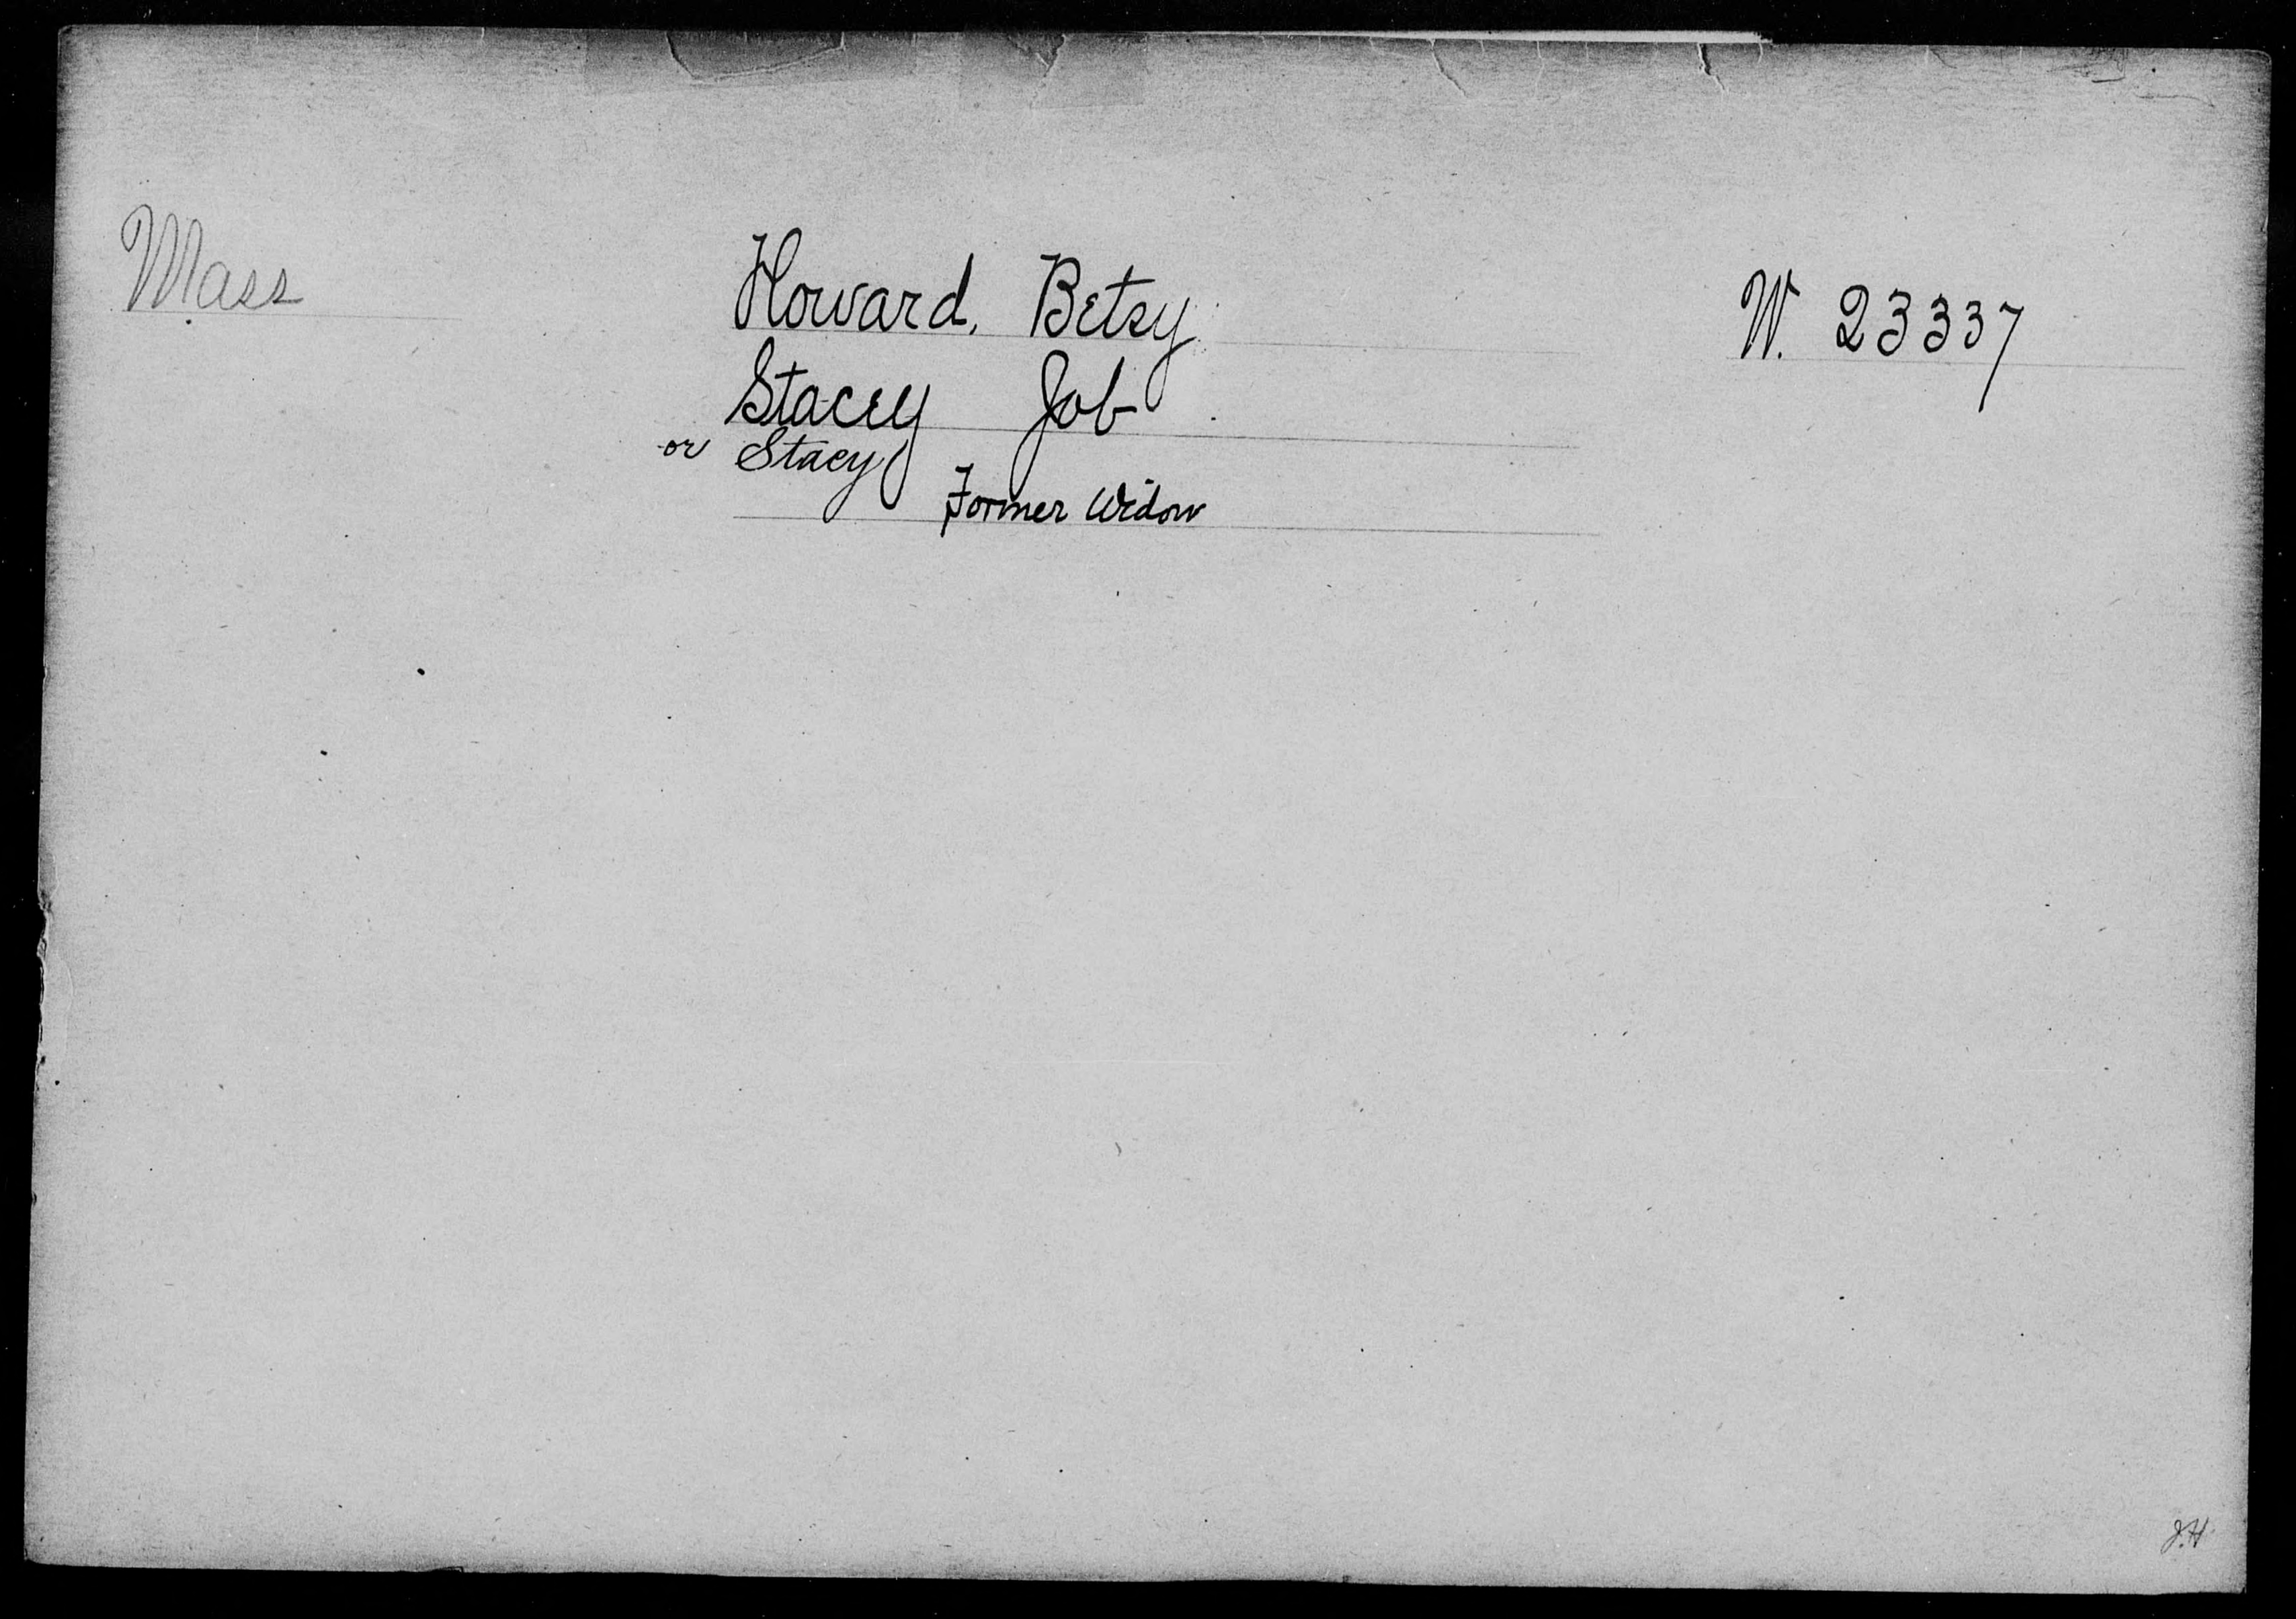Mass.

Howard, Betsy
Stacey Job or Stacy
former widow
W. 23337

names: Job Stacy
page: 1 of 1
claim: widow's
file: W. 23337, Betsy Howard, Mass.